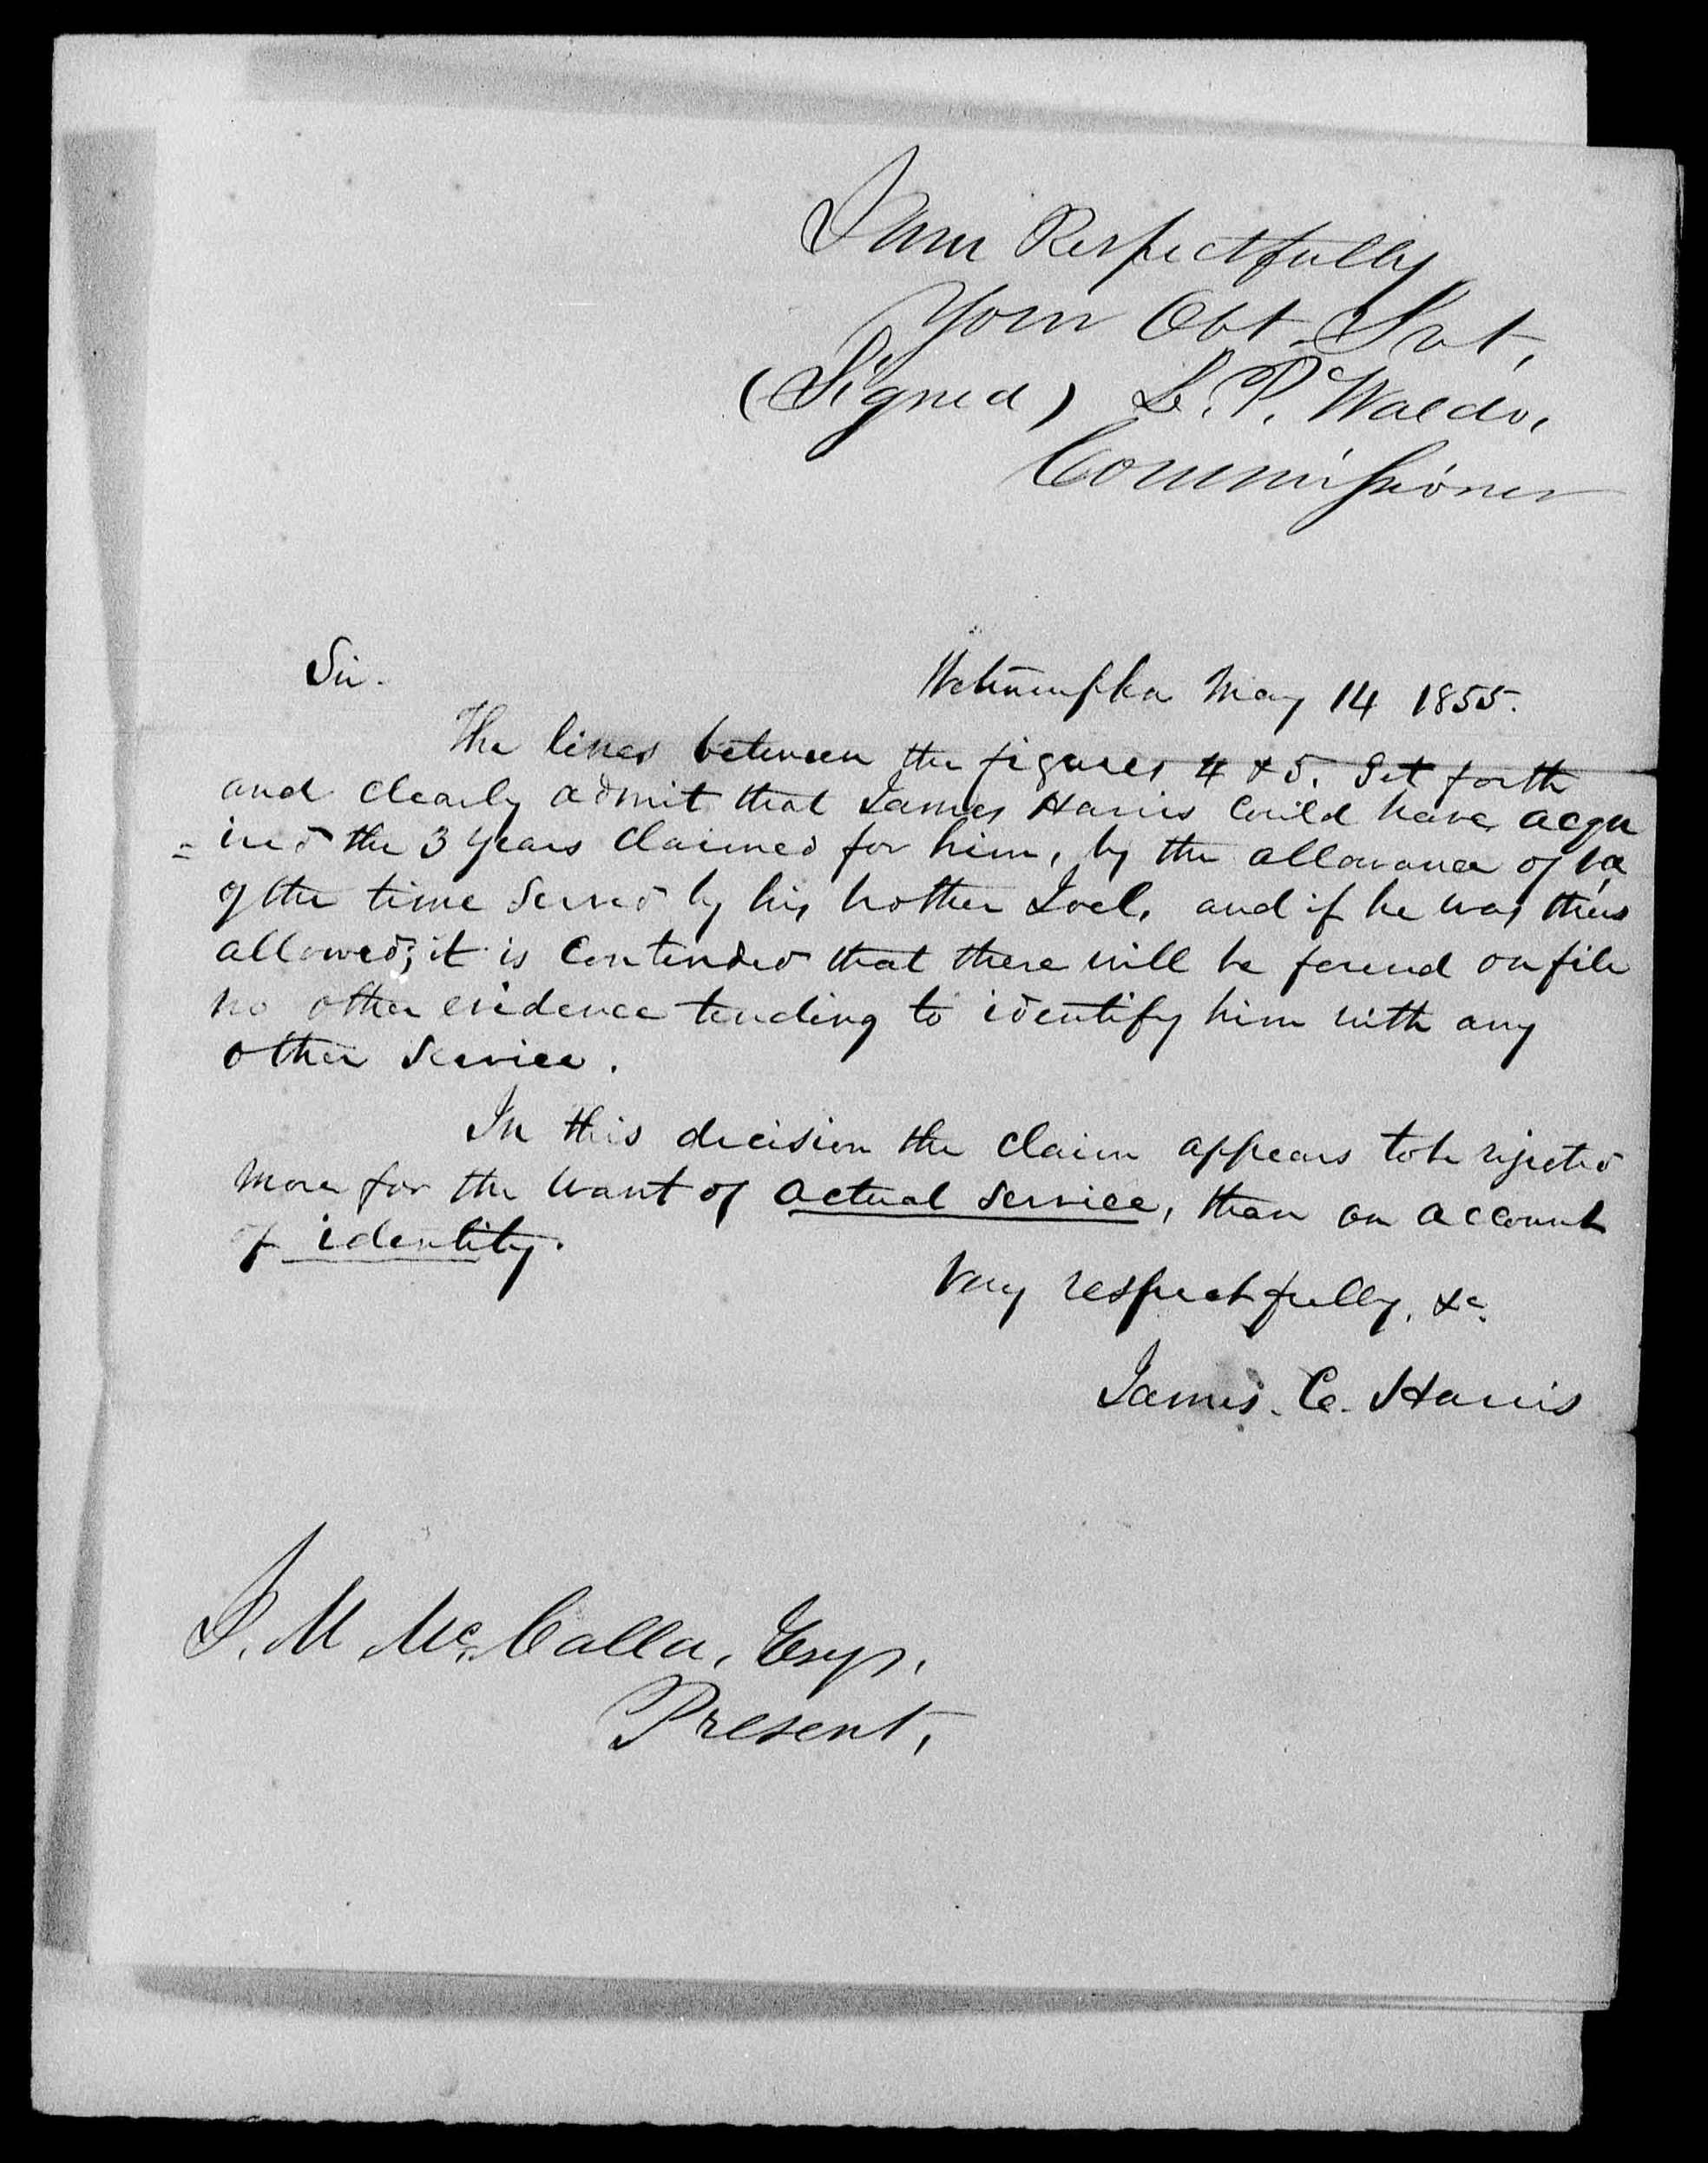I am Respectfully
Your Obt Svt.
(Signed) L. P. Waldo
Commissioner

[different handwriting]
Wetumpka May 14 1855

Sir.
The lines between the figures 4 & 5 set forth and clearly admit that James Harris could have acquired the 3 years claimed for him, by the allowance of Va of the time served by his brother Joel, and if he was thus allowed, it is contended that there will be found on file no other evidence tending to identify him with any other service.
In this decision the claim appears to be rejected more for the want of actual service, than an account of identity.
Very respectfully, &c.
James C. Harris

[original handwriting]
J. M McCalla, Esqr
Present,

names: James C Harris, L P Waldo, J M Mc Calla, James Harris, Joel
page: 126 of 160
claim: rejected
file: R. 4666, James Harris, Va.